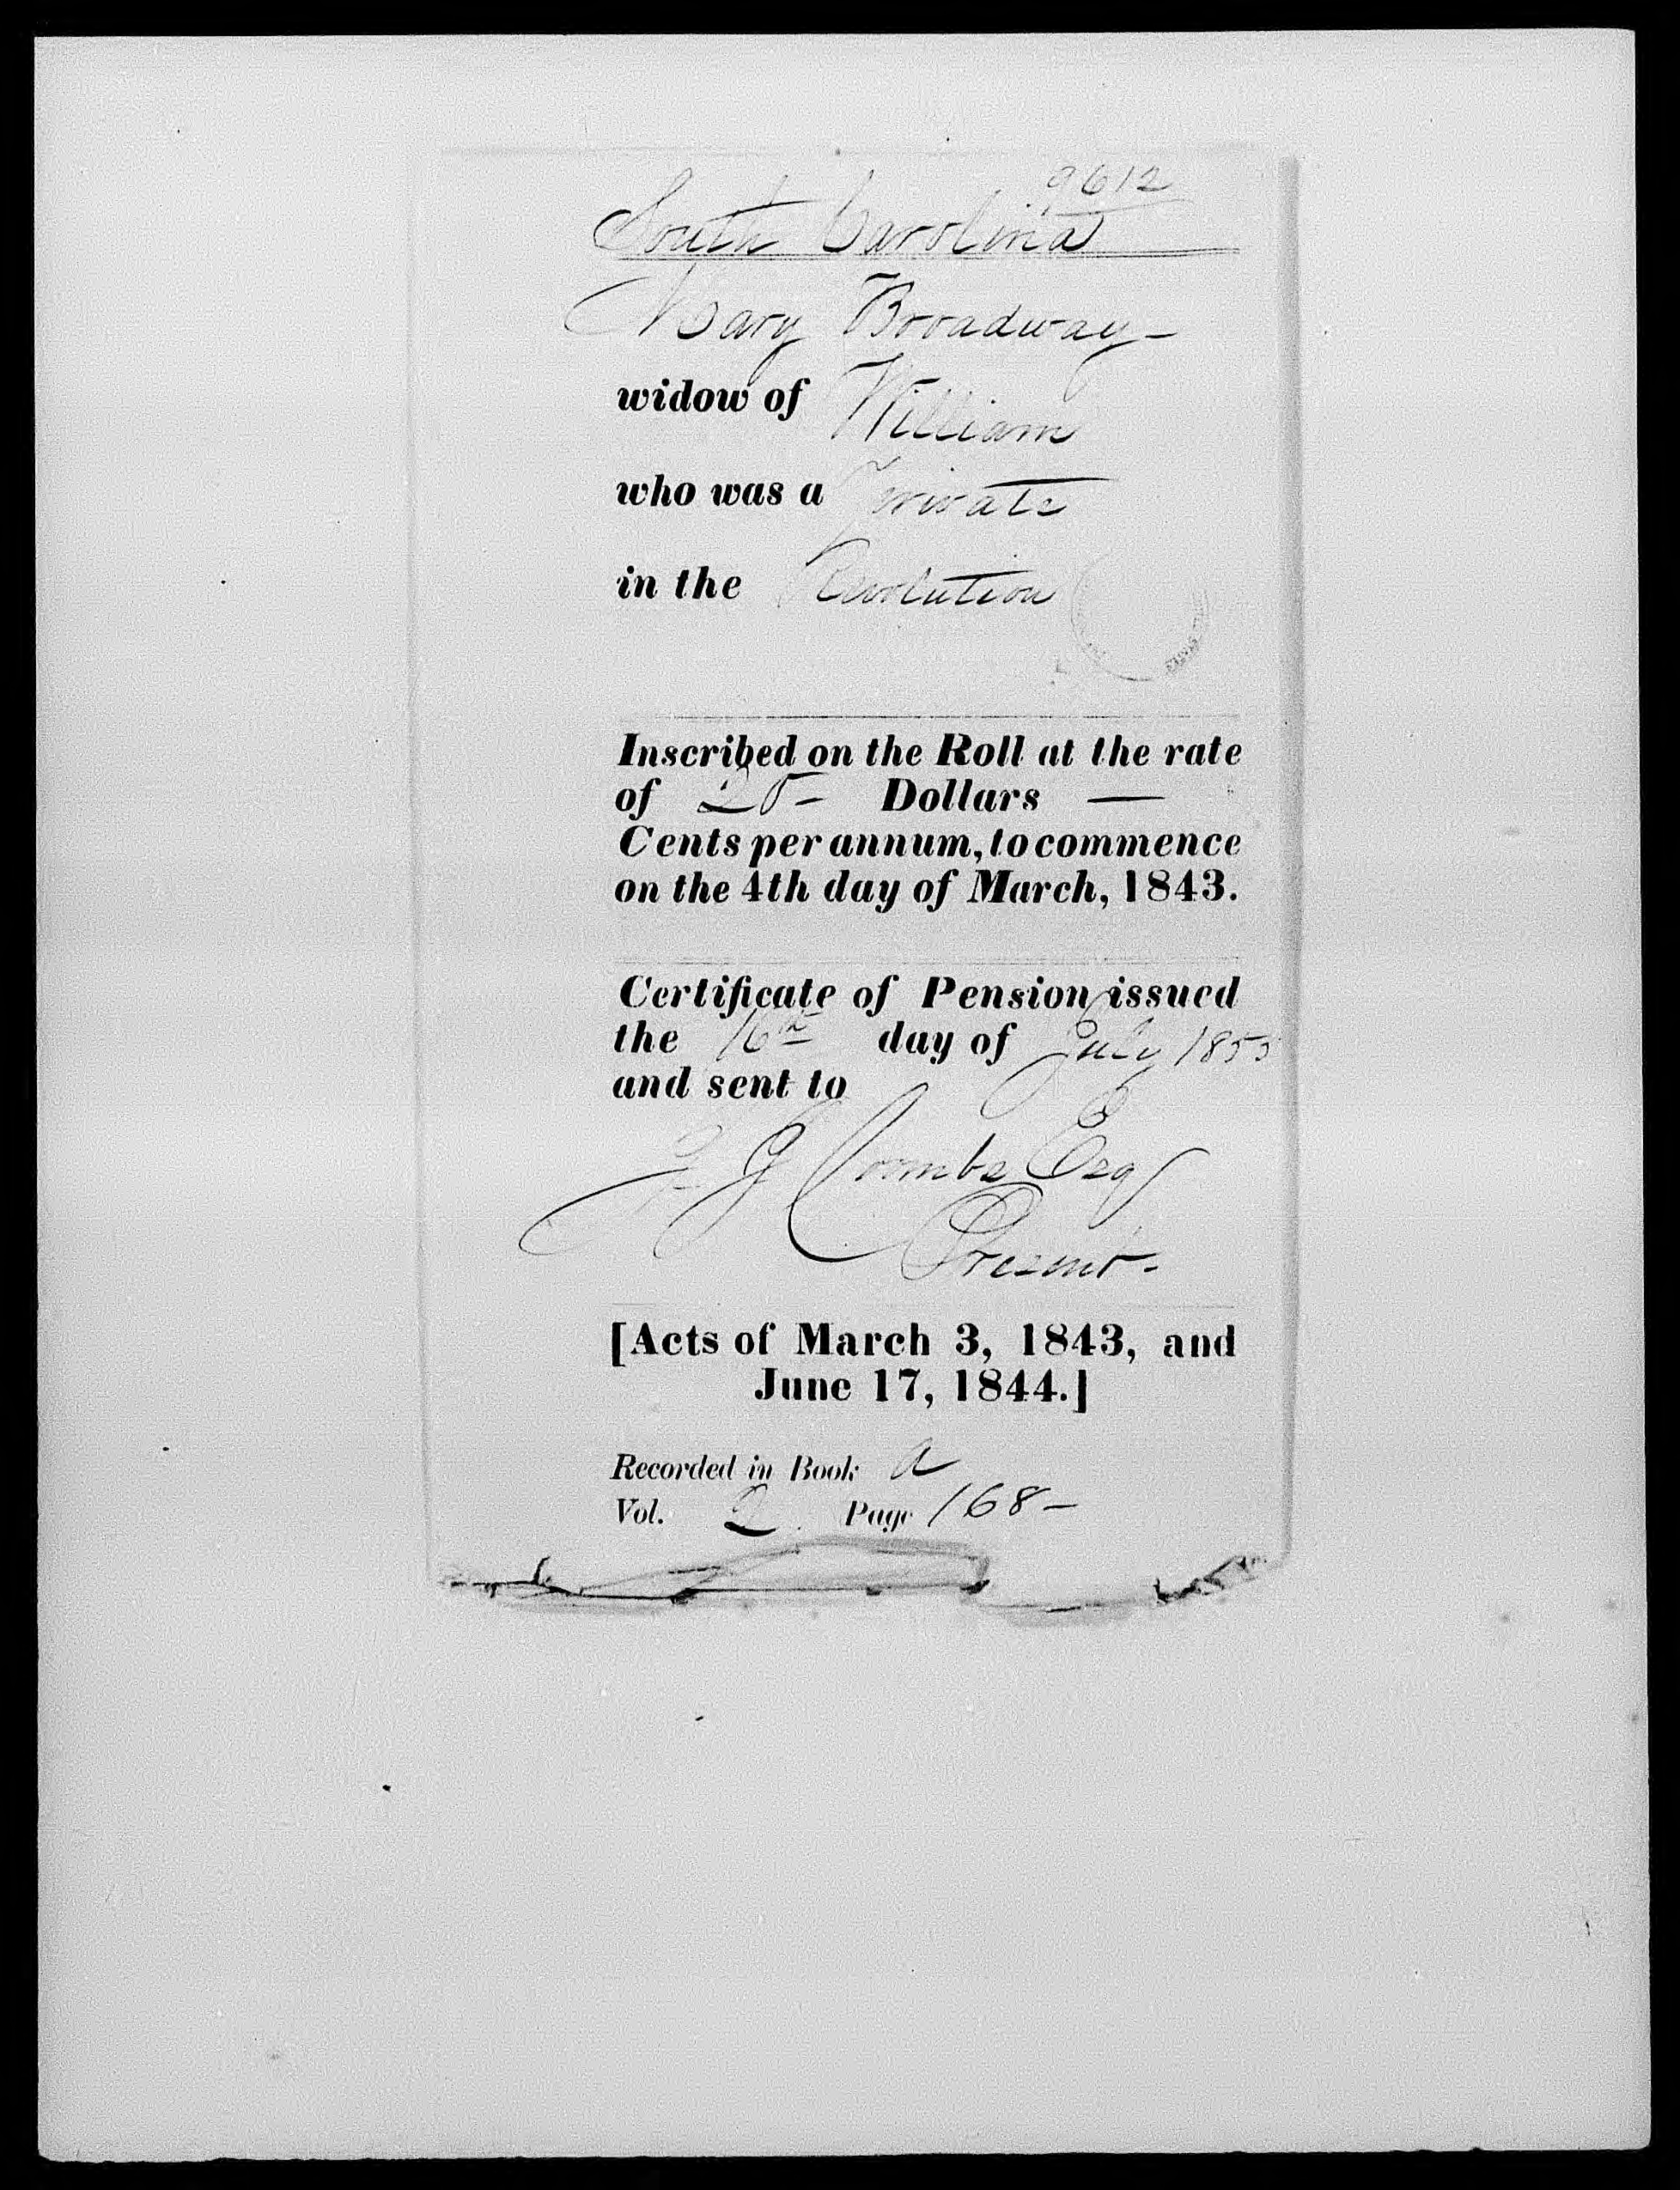9612
________
South Carolina
====================
Mary Broadway
widow of William
who was a Private
in the Revolution
===================
Inscribed on the Roll at the rate
of 20 - Dollars --
Cents per annum, to commence
on the 4th day of March, 1843.
===================
Certificate of Pension issued
the 16th day of July 1855
and sent to
J. J. Combs Esq
Present.

[Acts of March 3, 1843, and
June 17, 1844.]
Recorded in Book    A
Vol.   2  Page 168-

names: Mary Broadway, J J Coombs, William Broadway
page: 80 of 98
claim: widow's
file: W. 8398, William Broadway, S.C.